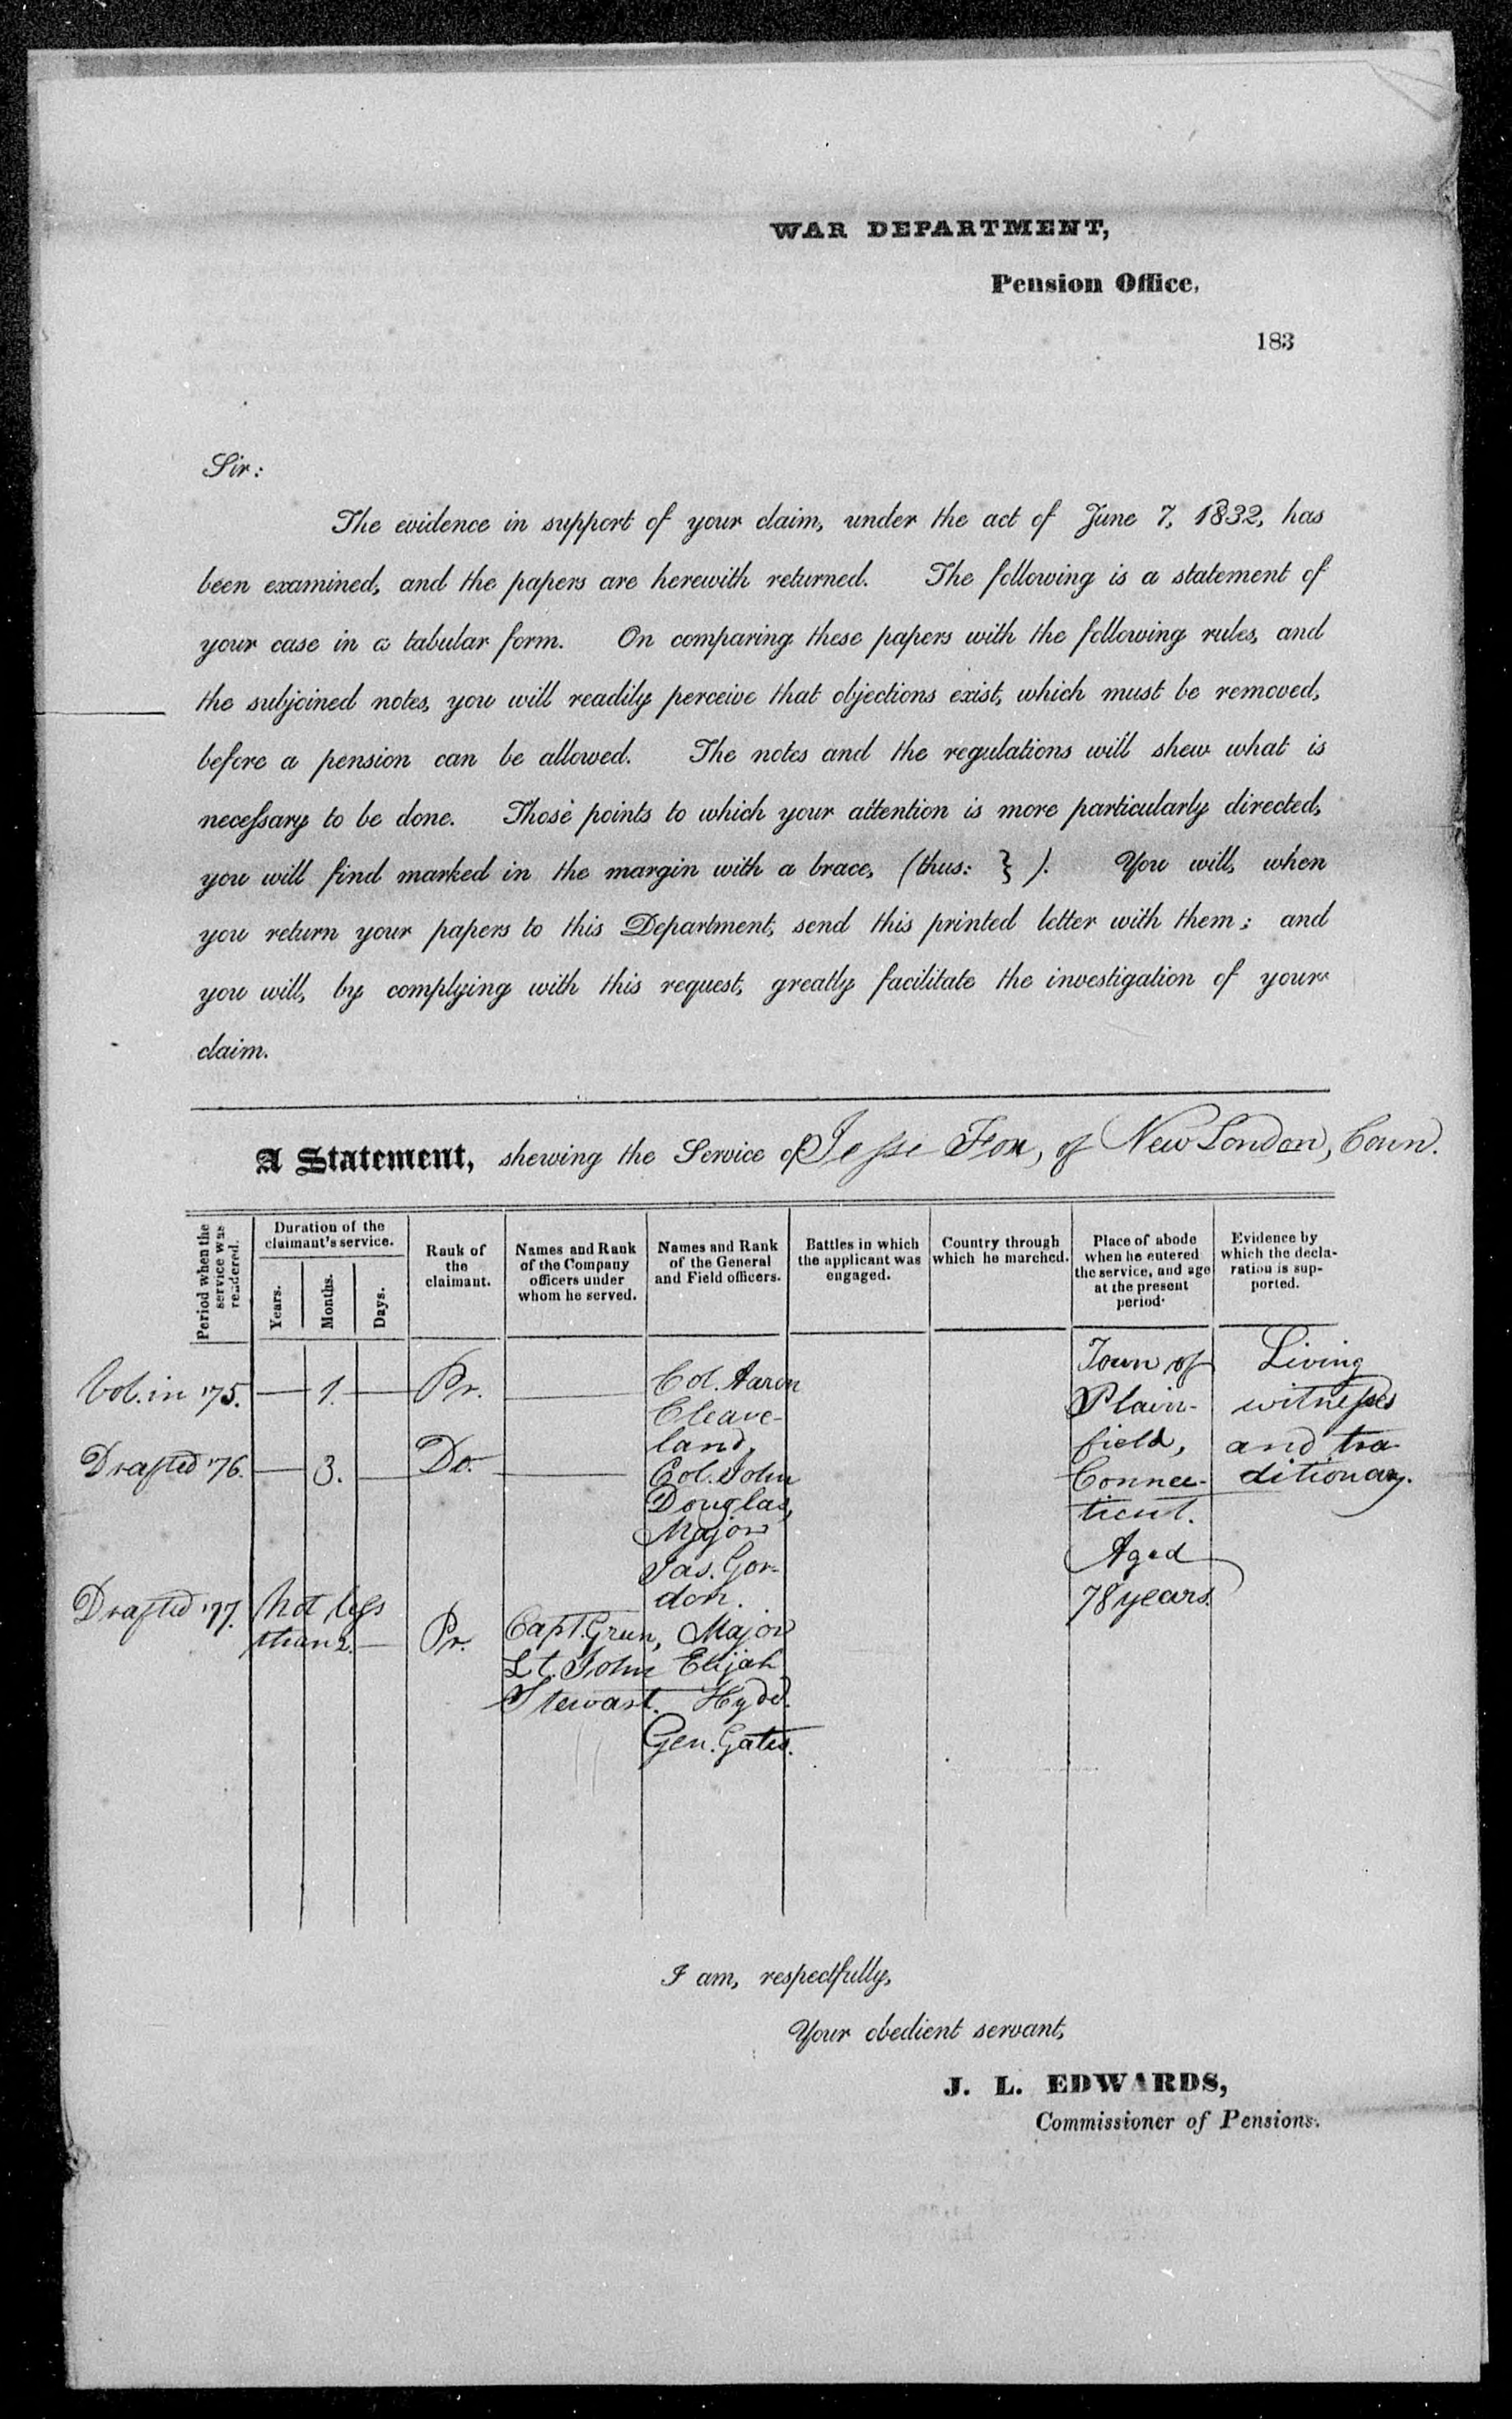WAR DEPARTMENT,
Pension Office
                183

Sir:

The evidence in support of your claim, under the act of June 7, 1832, has been examined, and the papers are herewith returned. The following is a statement of your case in a tabular form. On comparing these papers with the following rules, and the subjoined notes, you will readily perceive that objections exist, which must be removed, before a pension can be allowed. The notes and the regulations will show what is necessary to be done. Those points to which your attention is more particularly directed, you will find marked in the margin with a brace, (thus:}). You will, when you return your papers to this Department, send this printed letter with them; and you will, by complying with this request, greatly facilitate the investigation of your claim.

A STATEMENT, showing the service of Jesse Fox, of New London, Conn.

Period when the service was rendered: Vol. iin 75
Duration of the claimant's service: 1 months
Rank of claimant: Pr
Names and Rank of the Company officers under whom he served:
Names and Rank of General and Field officers: Col Aaron Cleaveland
Battles in which the applicant was engaged:
Country though which he marched:
Place of abode when he entered the service, and age at the present period: Town of Plainfield, Connecticut. Aged 78 years
Evidence by which the declaration is supported: living witnesses and traditionary

Period when service was rendered: Drafted 76
Duration of the claimant's service: 3 mons
Rank of the claimant: do
Names and Rank of the Company officers under whom he served:
Names and Rank of the General and Field Officers: Col John Douglas, Major Jas. Gordon
Battles in which the applicant was engaged:
Country through which he marched:
Place of abode when he entered the service, and age at the present period:
Evidence by which the declaration is supported:

Period when service was rendered: Drafted '77
Duration of the claimant's service: not less then 2 months
Rank of claimant: Pr,
Names and Rank of the Company officers under whom he served: Capt Green, Lyt John Stewart
Names and Rank of the General and Field Officers: Major Elijah Hyde, Gen. Gates
Battles in which the applicant was engaged:
Country through which he marched:
Place of abode when he entered the service, and age at the present period:
Evidence by which the declaration is supported:

I am, respectfully, your obedient servant,

J. L. EDWARDS,
Commissioner of Pensions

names: Green, John Stewart, Jas Gordon, Jesse Fox, Elijah Hyde, Aaron Cleaveland, John Douglas, J L Edwards, Gates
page: 13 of 53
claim: rejected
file: R. 3732, Jesse Fox, Conn.